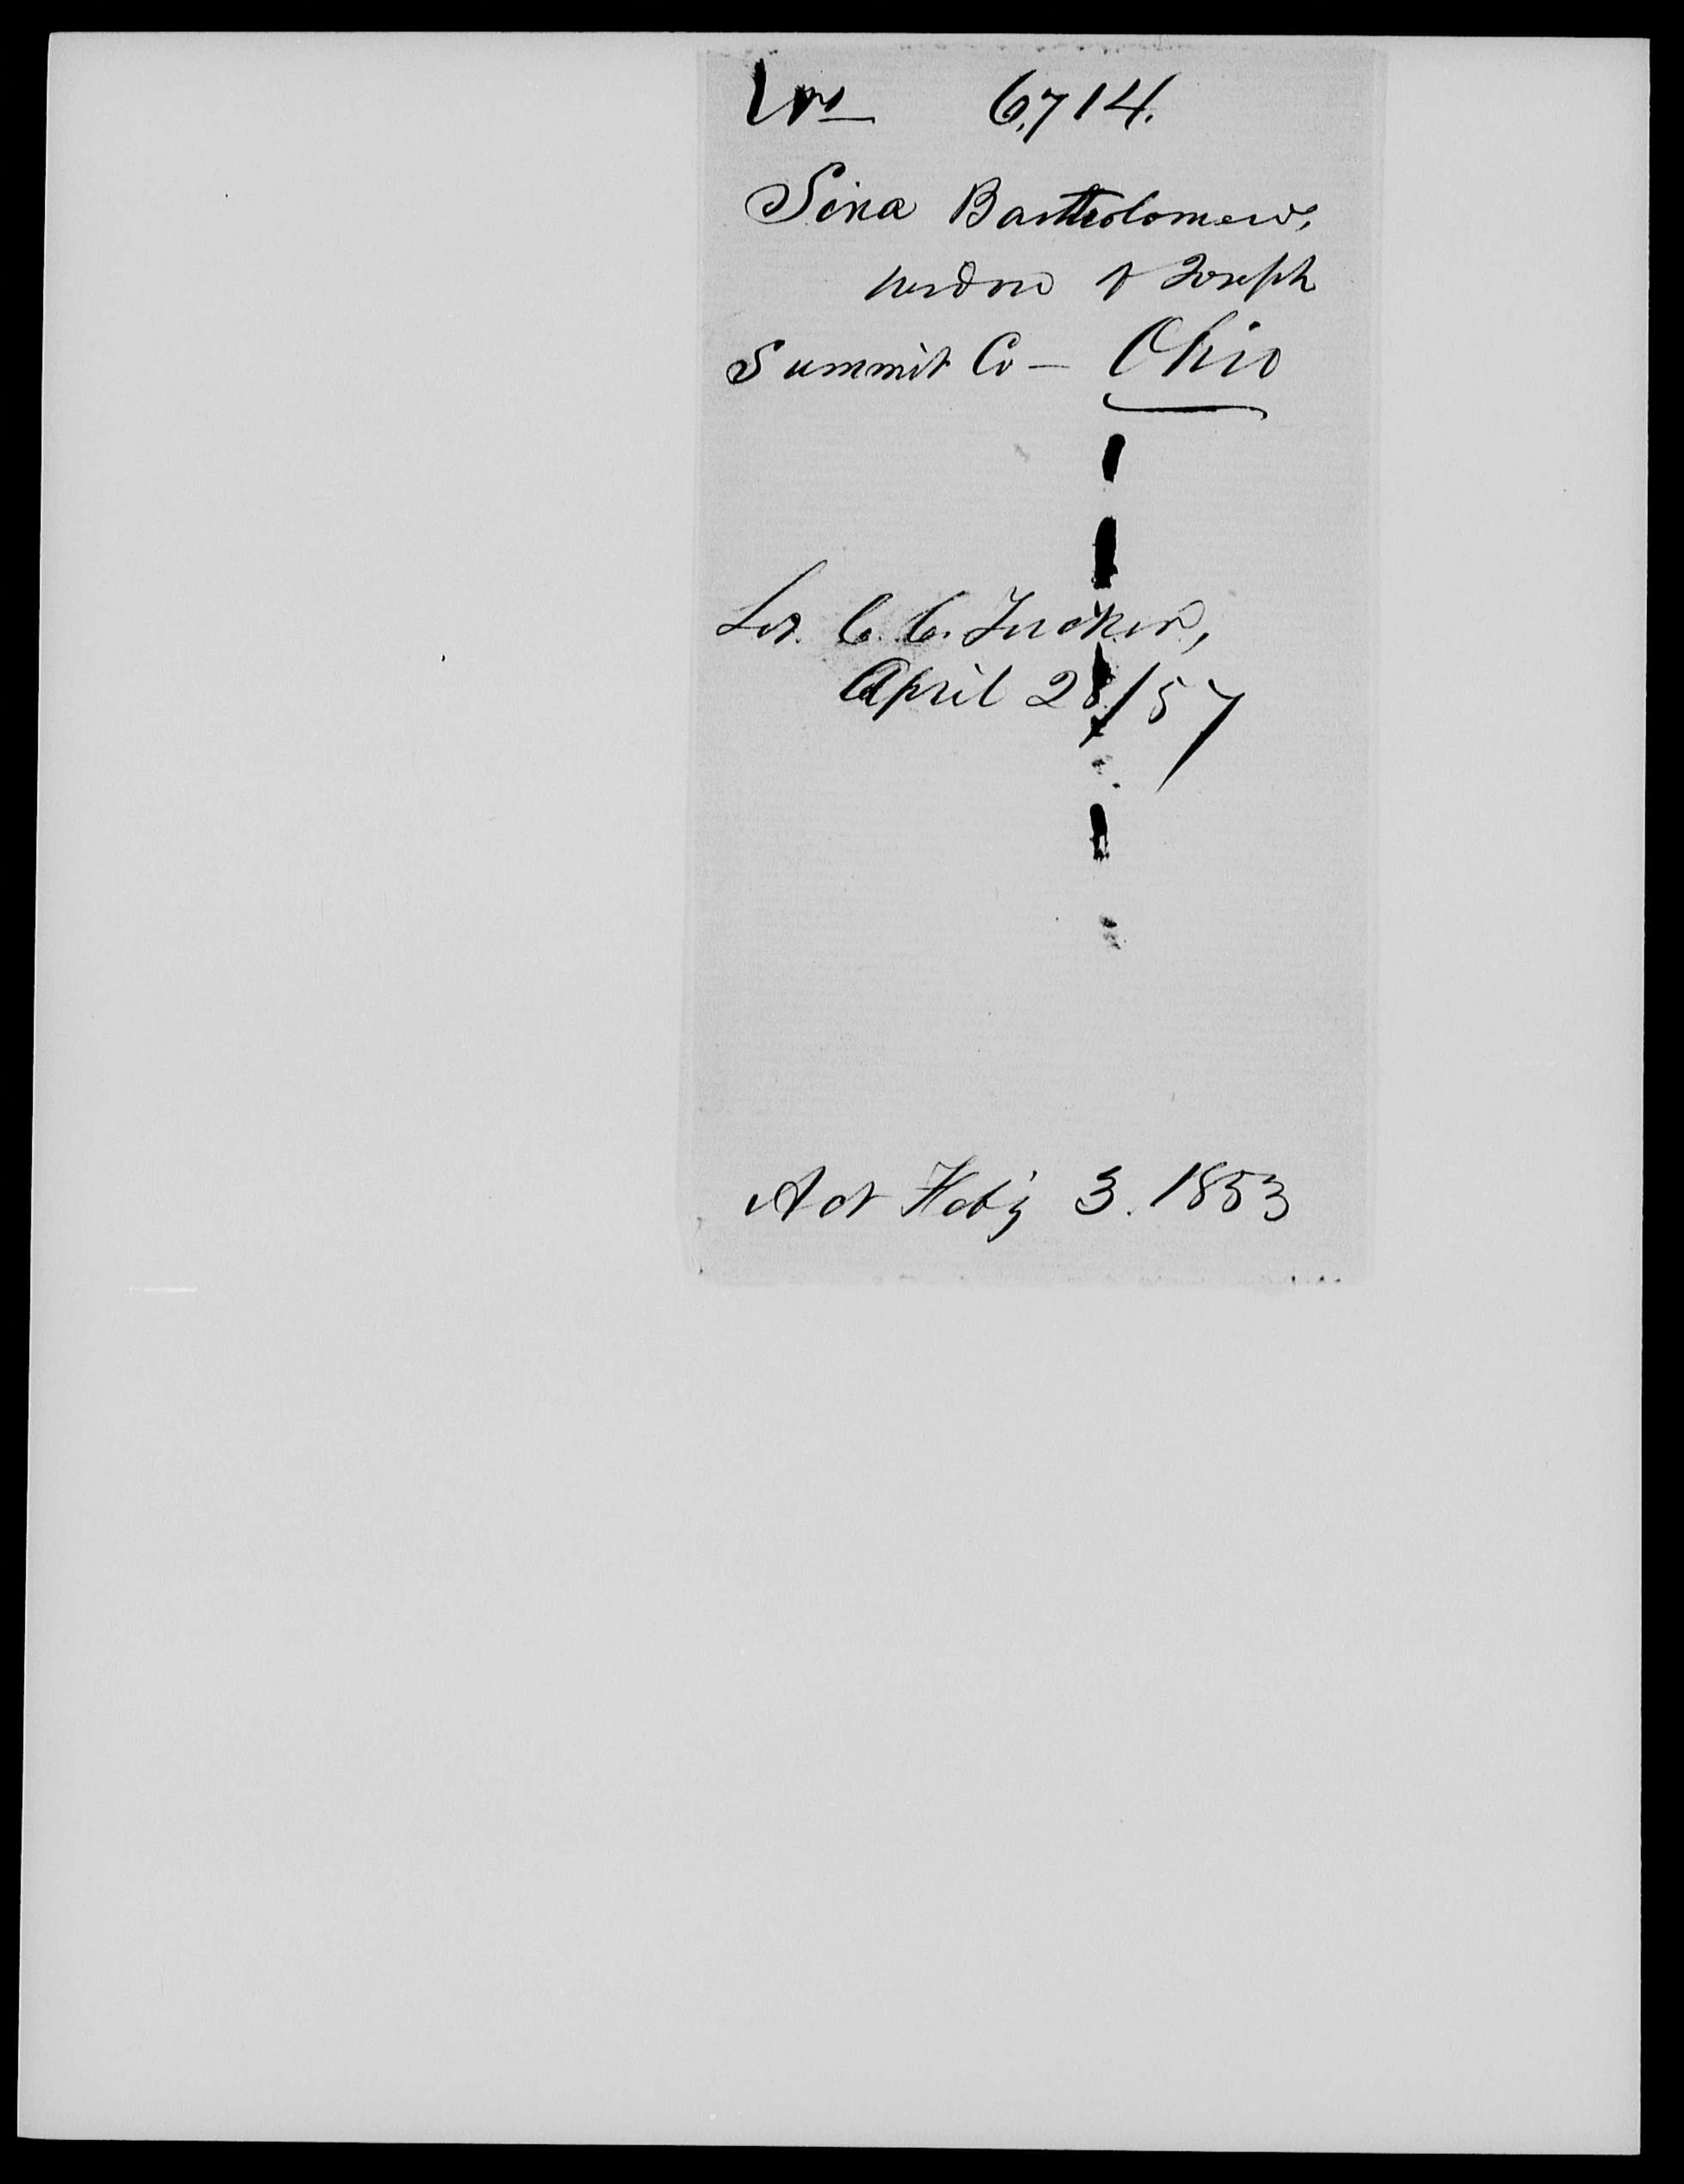No 6,714.
Sina Bartholomew,
Widow of Joseph
Summit Co. Ohio

For C. C. Tucker,
April 28/57

Act Feb'y 3. 1853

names: C C Tucker, Sina Bartholomew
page: 21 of 76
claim: widow's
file: W. 9345, Joseph Bartholomew, Conn.